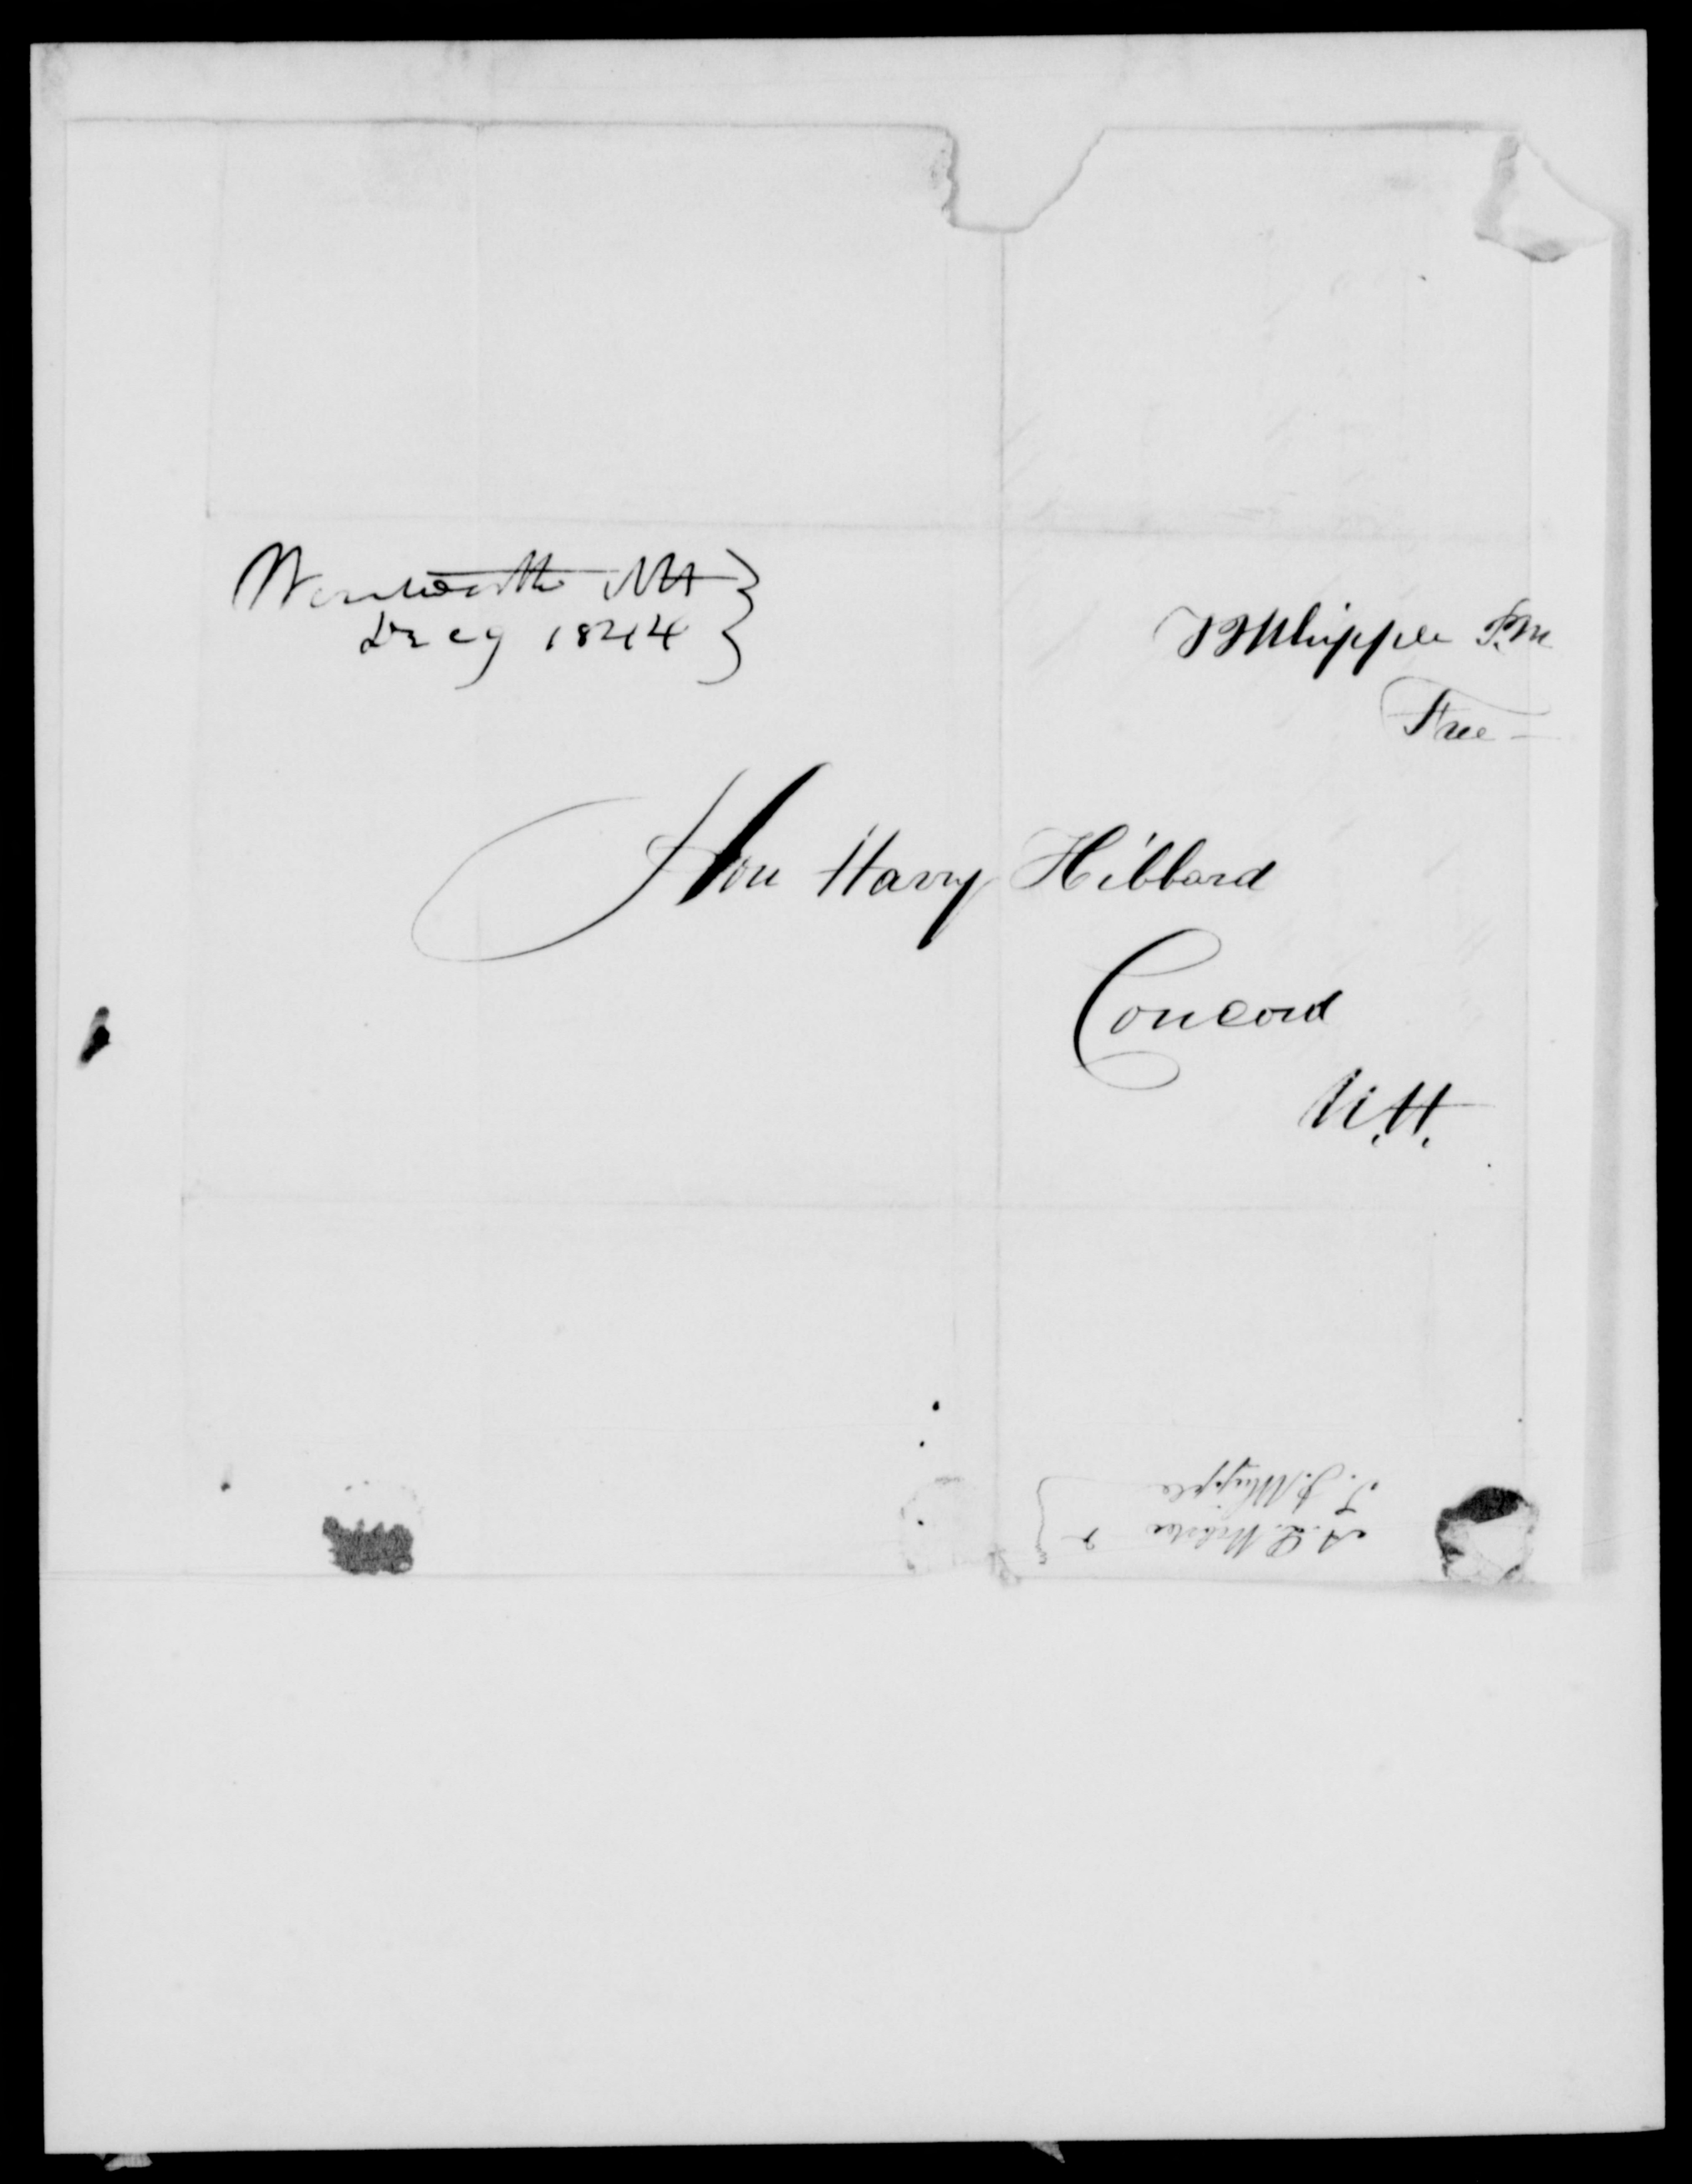Wentworth MA
Dec 1844
Whipple P.M
Free -
Hon Harry Hibbard
Concord
N.H.
U.S.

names: T J Whipple, A L Webster, Harry Hibbard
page: 54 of 78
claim: widow's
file: W. 25856, Samuel Way, N.H.